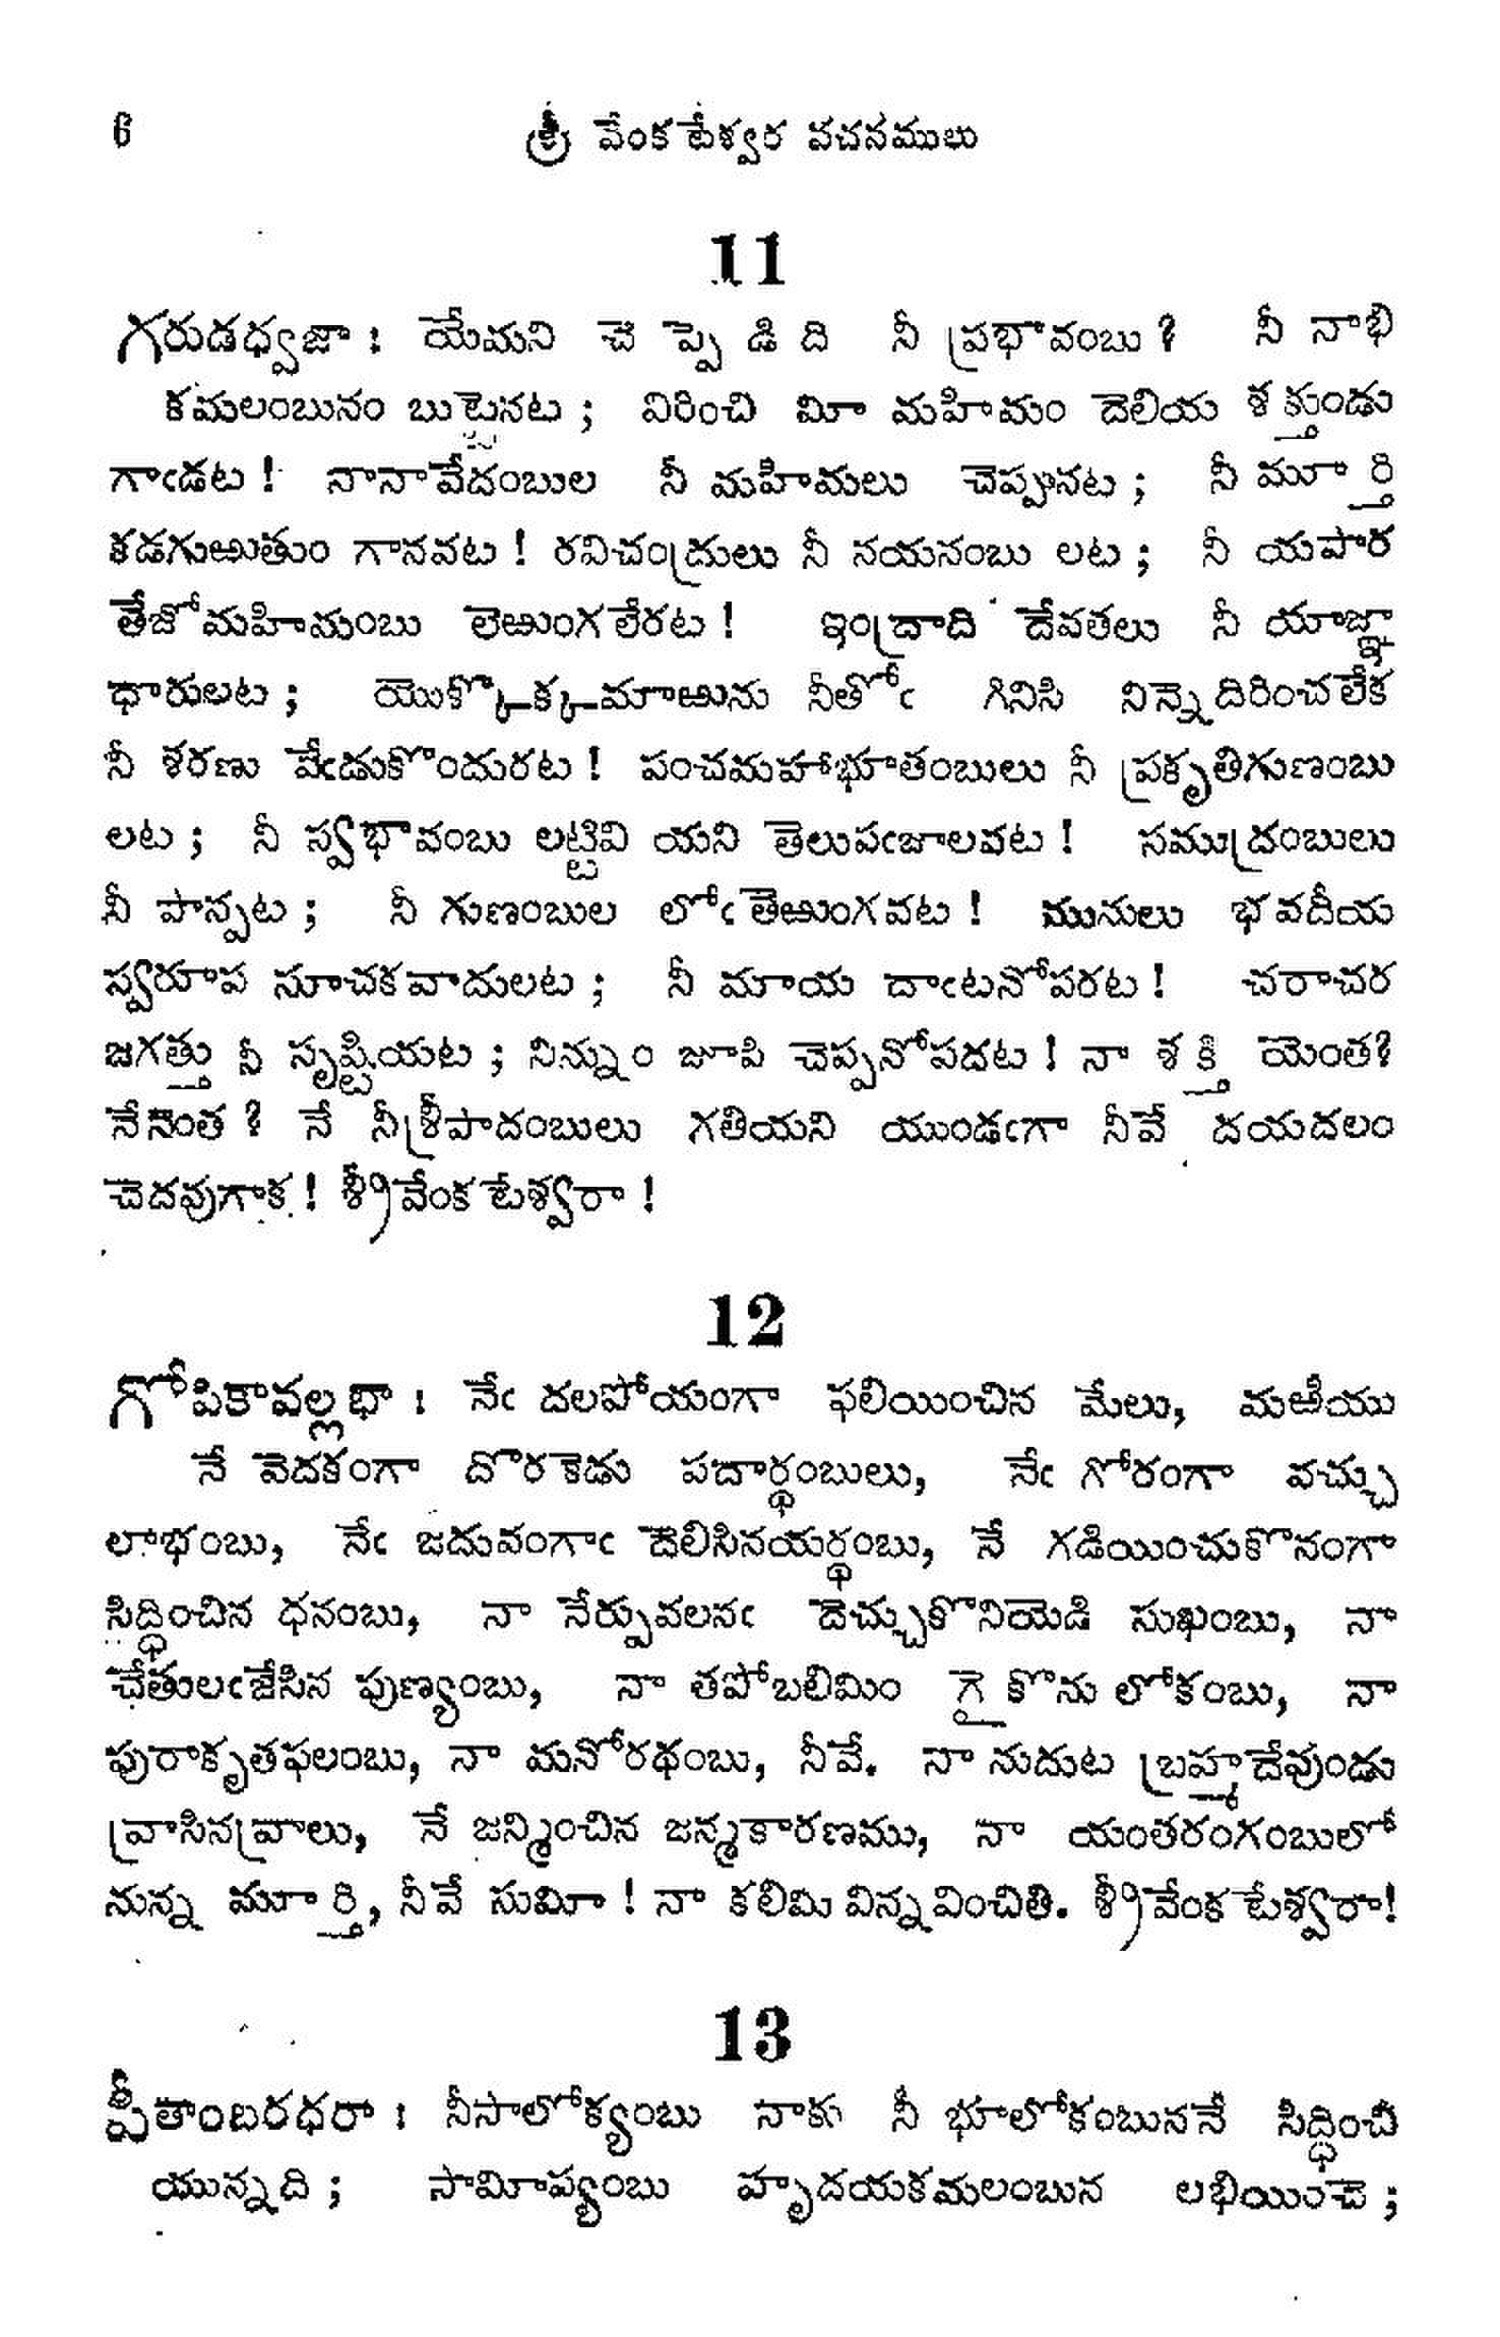11 

రుడధ్వజా! యేమని చె ప్పె డి ది నీ ప్రభావంబు ? నీ నాభికమలంబునం బుట్టెనట; విరించి మీ మహిమం దెలియ శక్తుండు గాఁడట! నానావేదంబుల నీ మహిమలు చెప్పునట; నీ మూర్తి కడగుఱుతుం గానవట! రవిచంద్రులు నీ నయనంబు లట; నీ యపారతేజోమహిమంబు లెఱుంగలేరట! ఇంద్రాది దేవతలు నీ యాజ్ఞాధారులట; యొక్కొక్కమాఱును నీతోఁ గినిసి నిన్నెదిరించలేక నీ శరణు వేఁడుకొందురట! పంచమహాభూతంబులు నీ ప్రకృతిగుణంబులట; నీ స్వభావంబు లట్టివి యని తెలుపఁజాలవట! సముద్రంబులు నీ పాన్పట; నీ గుణంబుల లోఁతెఱుంగవట! మునులు భవదీయస్వరూప సూచకవాదులట; నీ మాయ దాఁటనోపరట! చరాచరజగత్తు నీ సృష్టియట; నిన్నుం జూపి చెప్పనోపదట! నా శక్తి యెంత? నేనెంత ? నే నీశ్రీపాదంబులు గతియని యుండఁగా నీవే దయదలంచెదవుగాక! శ్రీ వేంకటేశ్వరా!

12 

పికావల్లభా! నేఁ దలపోయంగా ఫలియించిన మేలు, మఱియు
నే వెదకంగా దొరకెడు పదార్థంబులు, నేఁ గోరంగా వచ్చు లాభంబు, నేఁ జదువంగాఁ దెలిసినయర్థంబు, నే గడియించుకొనంగా సిద్ధించిన ధనంబు, నా నేర్పువలనఁ దెచ్చుకొనియెడి సుఖంబు, నా చేతులఁజేసిన పుణ్యంబు, నా తపోబలిమిం గైకొను లోకంబు, నా పురాకృతఫలంబు, నా మనోరథంబు, నీవే. నా నుదుట బ్రహ్మదేవుండు వ్రాసినవ్రాలు, నే జన్మించిన జన్మకారణము, నా యంతరంగంబులో నున్న మూర్తి, నీవే సుమీ! నా కలిమి విన్నవించితి. శ్రీ వేంకటేశ్వరా!

13 

తాంబరధరా! నీసాలోక్యంబు నాకు నీ భూలోకంబుననే సిద్ధించియున్నది; సామీప్యంబు హృదయకమలంబున లభియించె;